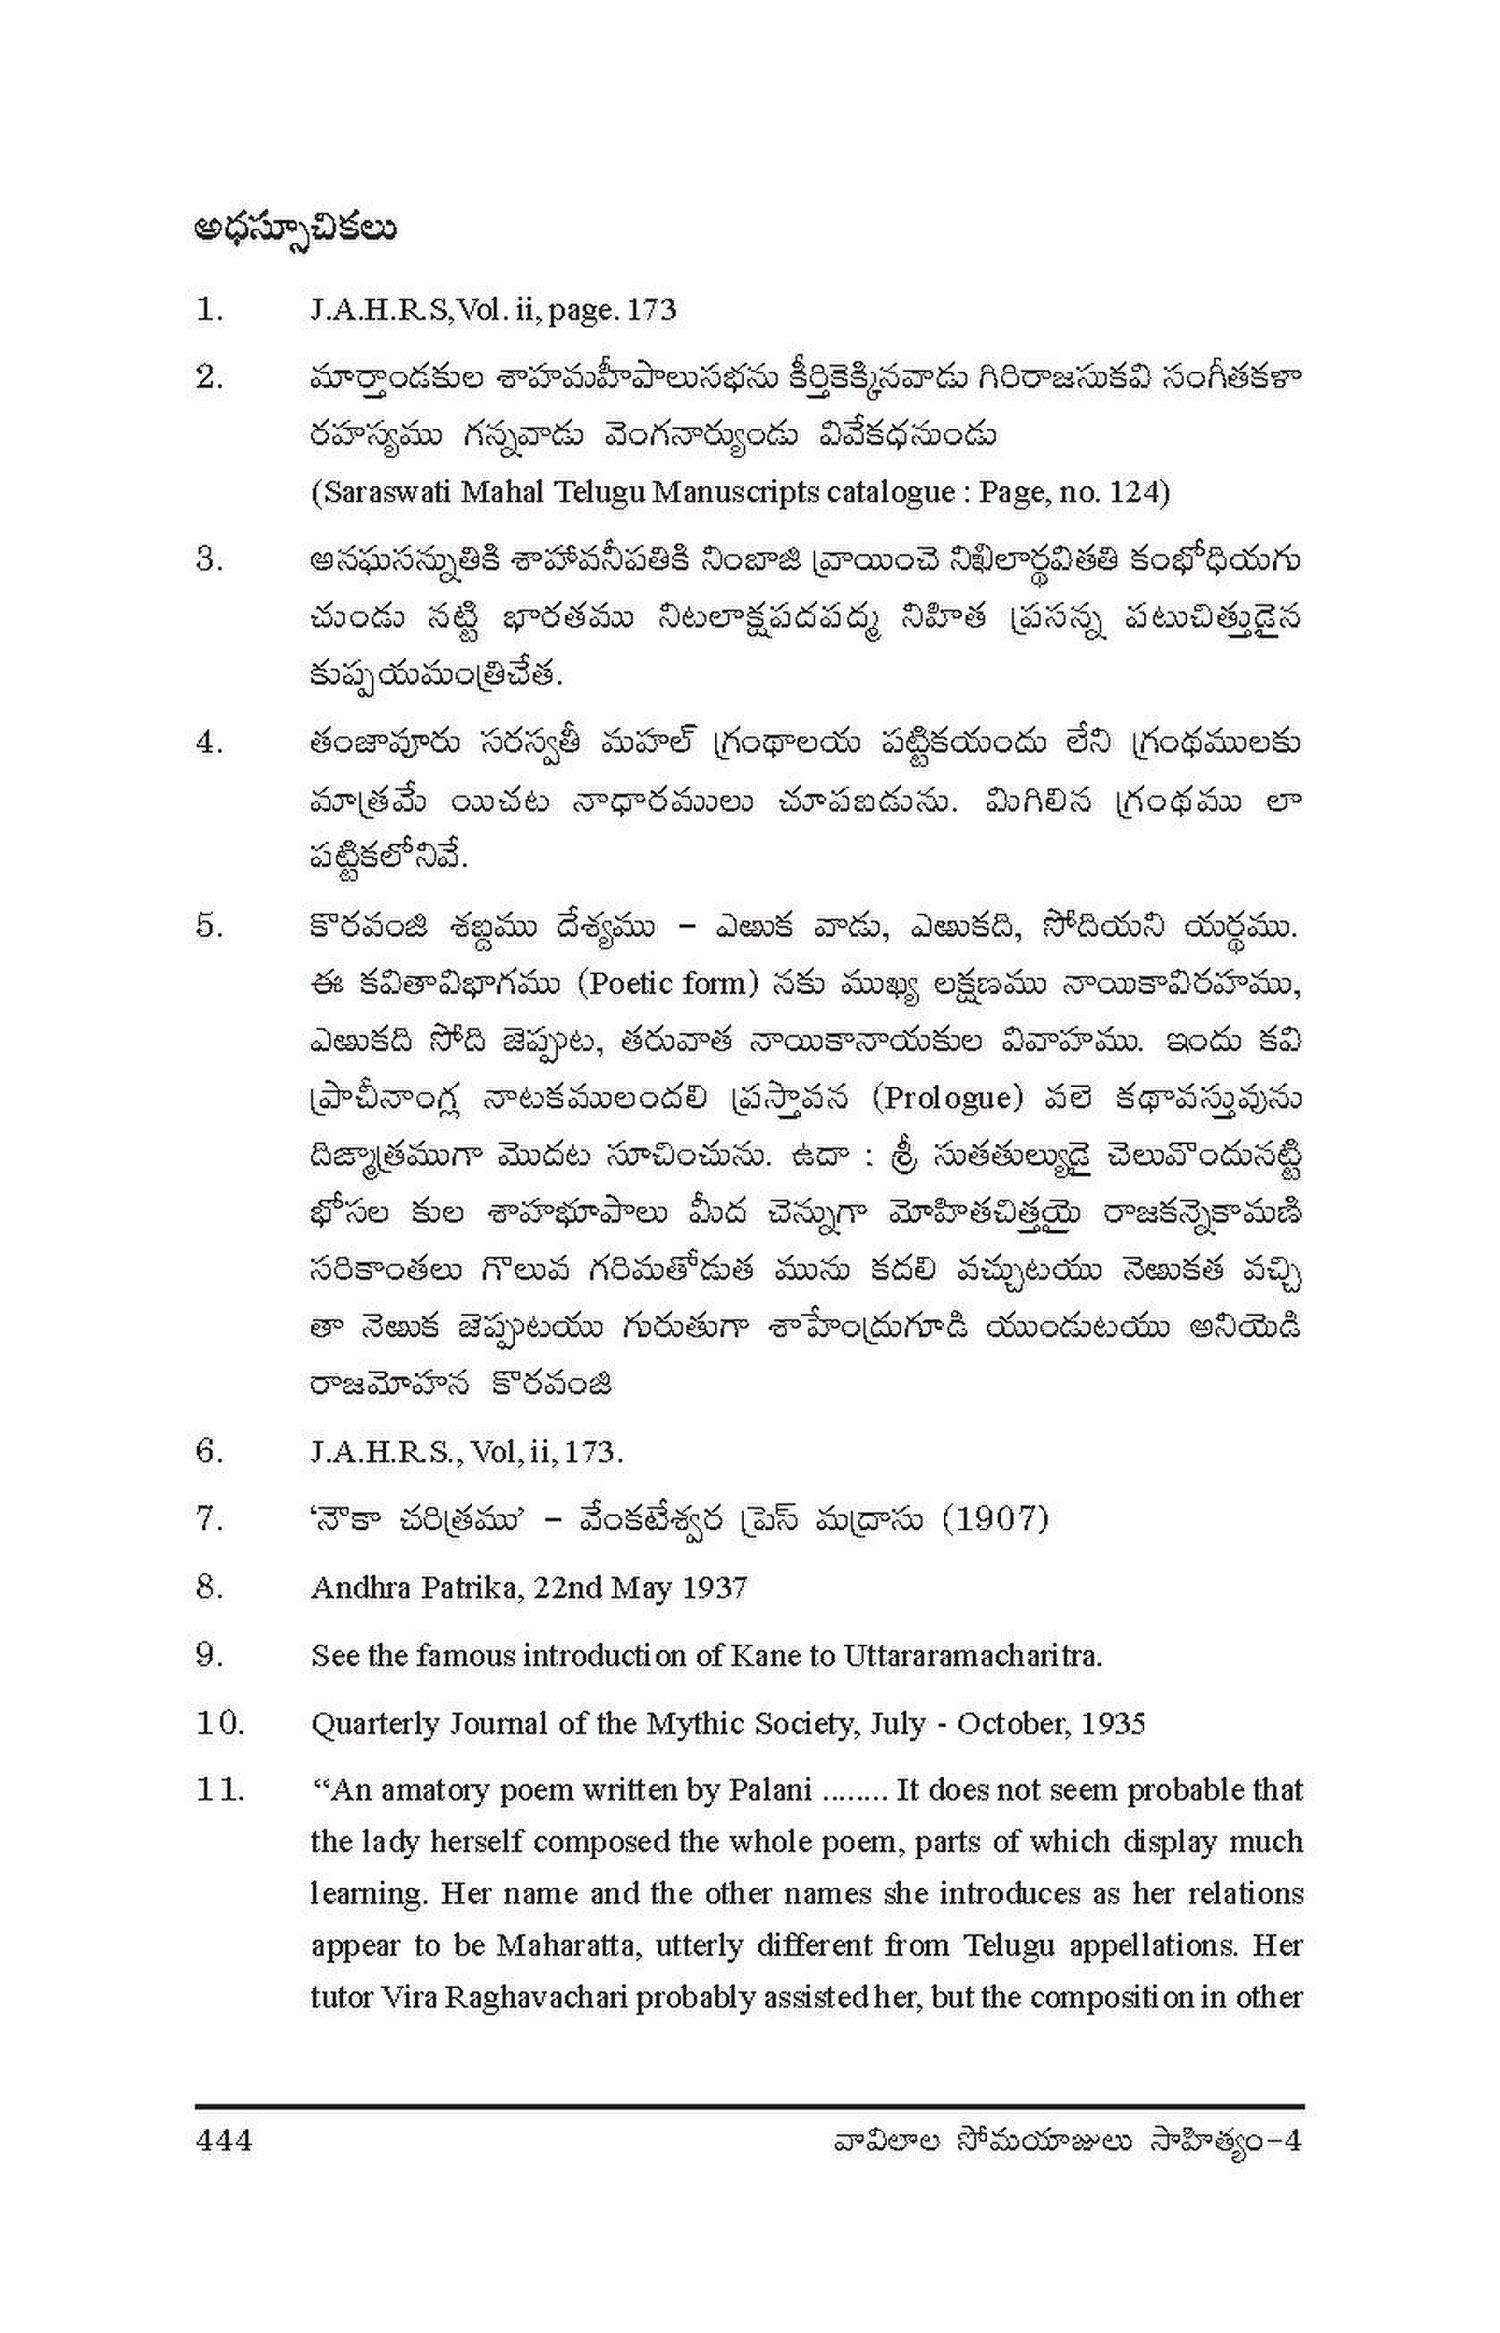అధస్సూచికలు
1. J.A.H.R.S, Vol. ii, page. 173

2. మార్తాండకుల శాహమహీపాలుసభను కీర్తికెక్కినవాడు గిరిరాజసుకవి సంగీతకళా
రహస్యము గన్నవాడు వెంగనార్యుండు వివేకధనుండు (Saraswati Mahal Telugu Manuscripts catalogue : Page, no. 124)

3. అనఘసన్నుతికి శాహావనీపతికి నింబాజి వ్రాయించె నిఖిలార్థవితతి కంభోధియగు
చుండు నట్టి భారతము నిటలాక్షపదపద్మ నిహిత ప్రసన్న పటుచిత్తుడైన
కుప్పయమంత్రిచేత.

4. తంజాపూరు సరస్వతీ మహల్ గ్రంథాలయ పట్టికయందు లేని గ్రంథములకు
మాత్రమే యిచట నాధారములు చూపబడును. మిగిలిన గ్రంథము లా
పట్టికలోనివే.

5. కొరవంజి శబ్దము దేశ్యము ఎఱుక వాడు, ఎఱుకది, సోదియని యర్థము.
ఈ కవితావిభాగము (Poetic form) నకు ముఖ్య లక్షణము నాయికావిరహము,
ఎఱుకది సోది జెప్పుట, తరువాత నాయికానాయకుల వివాహము. ఇందు కవి
ప్రాచీనాంగ్ల నాటకములందలి ప్రస్తావన (Prologue) వలె కథావస్తువును
దిజ్మాత్రముగా మొదట సూచించును. ఉదా : శ్రీ సుతుతుల్యుడై చెలువొందునట్టి
భోసల కుల శాహభూపాలు మీద చెన్నుగా మోహితచిత్తయై రాజకన్నెకామణి
సరికాంతలు గొలువ గరిమతోడుత మును కదలి వచ్చుటయు నెఱుకత వచ్చి
తా నెఱుక జెప్పుటయు గురుతుగా శాహేంద్రుగూడి యుండుటయు అనియెడి
రాజమోహన కొరవంజి

6. J.A.H.R.S., Vol, ii, 173.

7. ‘నౌకా చరిత్రము' - వేంకటేశ్వర ప్రెస్ మద్రాసు (1907)

8. Andhra Patrika, 22nd May 1937

9. See the famous introduction of Kane to Uttararamacharitra.

10. Quarterly Journal of the Mythic Society, July - October, 1935

11. "An amatory poem written by Palani...... It does not seem probable that
the lady herself composed the whole poem, parts of which display much
learning. Her name and the other names she introduces as her relations
appear to be Maharatta, utterly different from Telugu appellations. Her
tutor Vira Raghavachari probably assisted her, but the composition in other